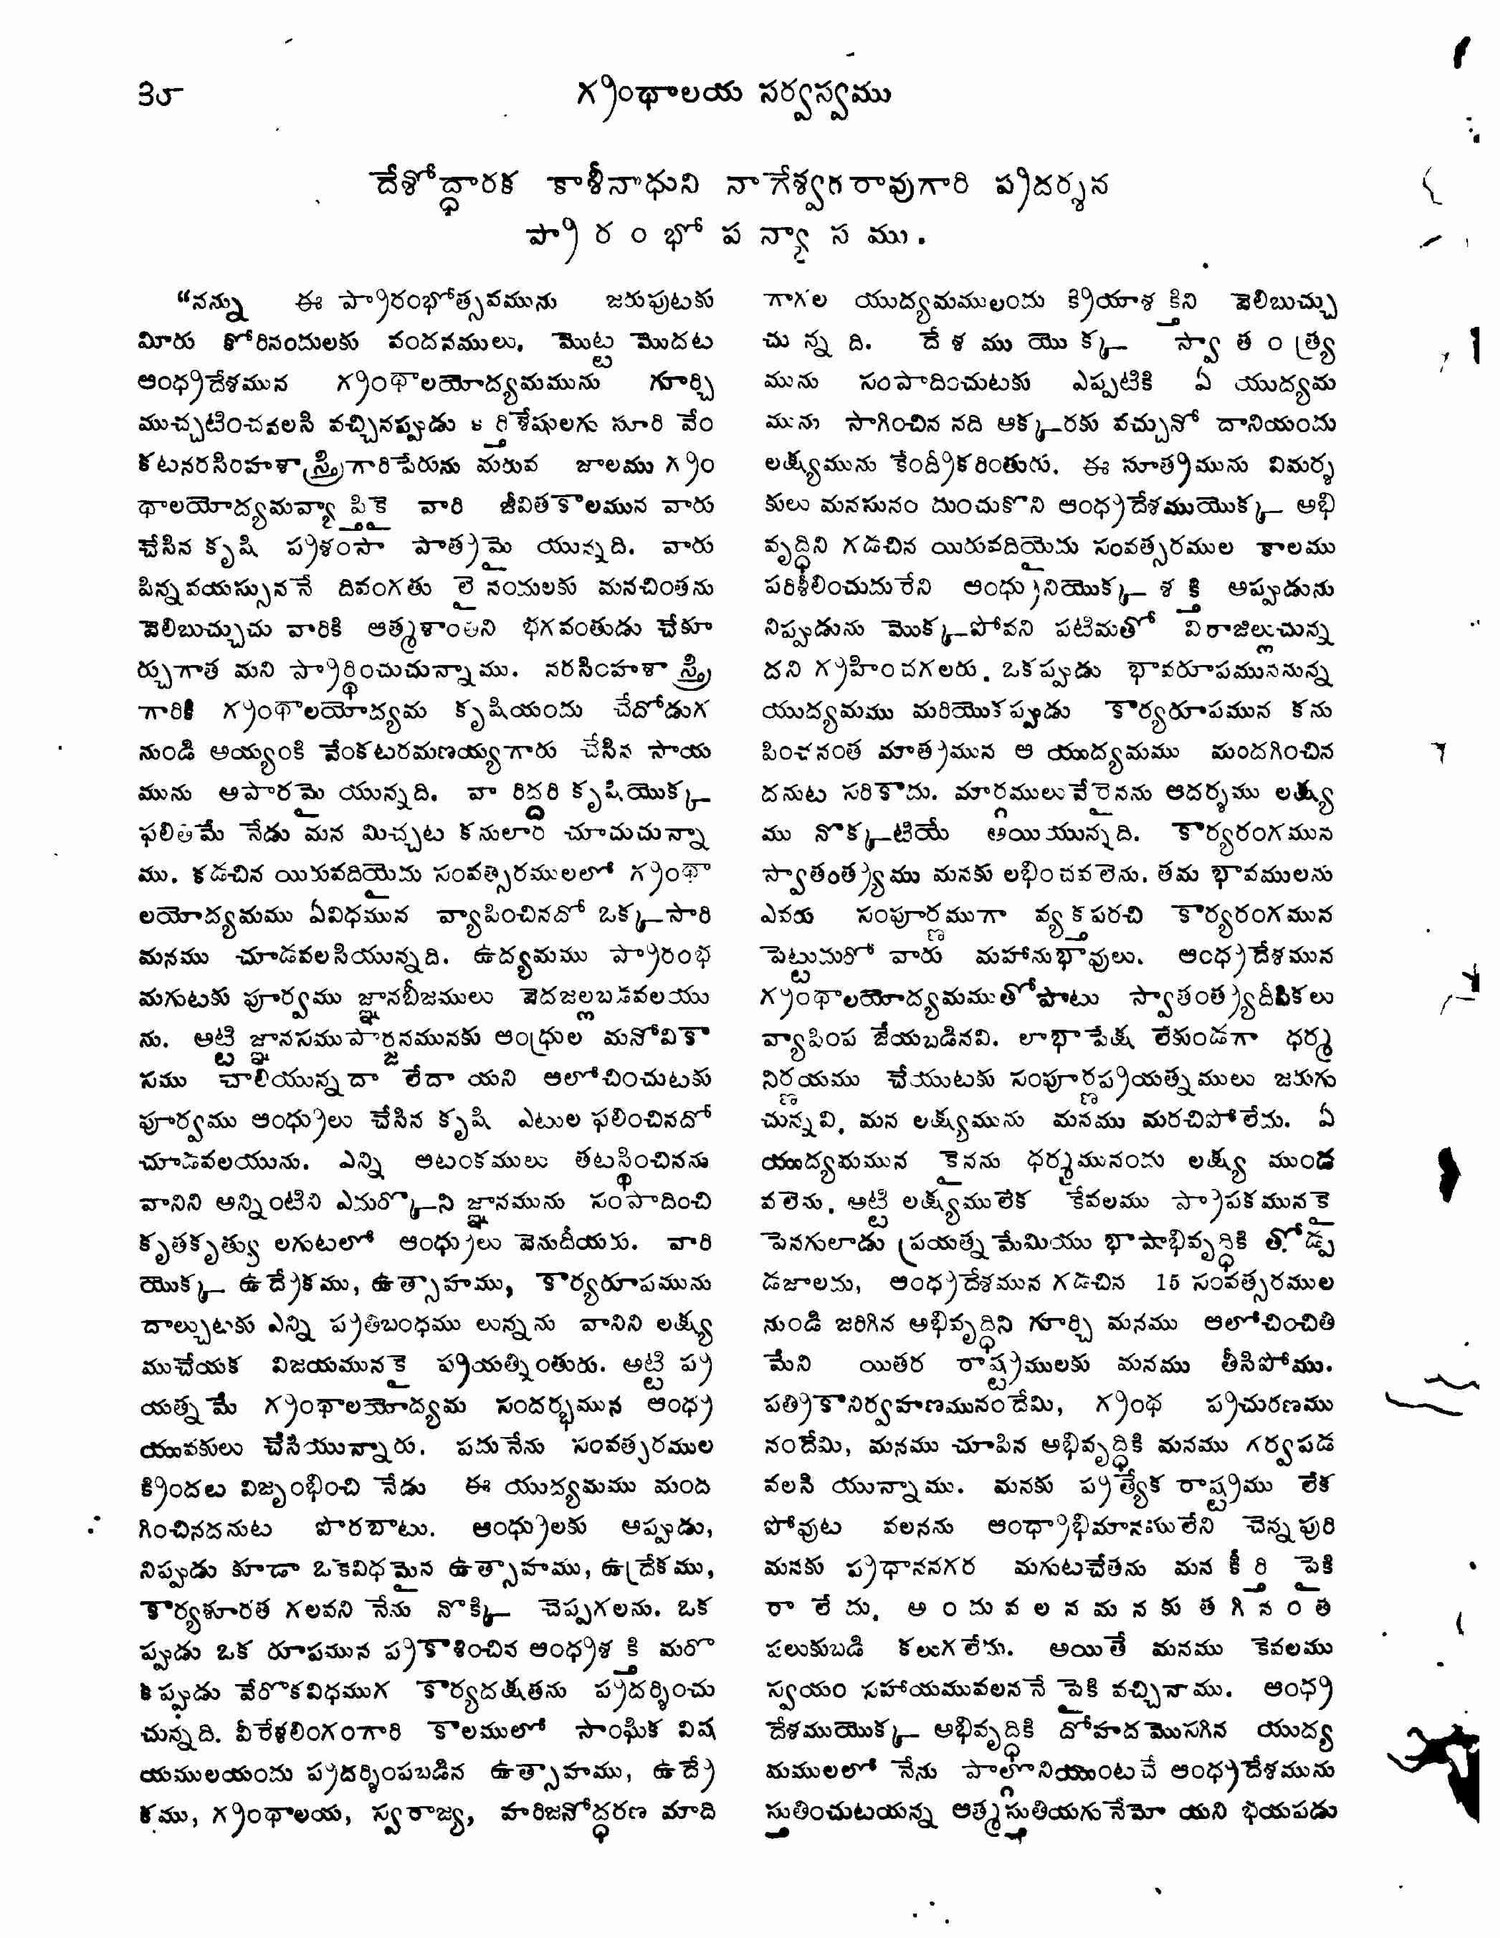“నన్ను ఈ ప్రారంభోత్సవమును జరుపుటకు మీరు కోరినందులకు వందనములు. మొట్ట మొదట ఆంధ్రదేశమున గ్రంథాలయ యోద్యమమును గూర్చి ముచ్చటించవలసి వచ్చినప్పుడు కీర్తిశేషులగు సూరి వేంకటనరసింహశాస్త్రి గారి పేరును మరువ జాలము
గ్రంధాలయోద్యమ వ్యాప్తికై వారి జీవిత కాలమున వారు చేసిన కృషి ప్రశంసాపాత్రమై యున్నది. వారు పిన్నవయస్సుననే దివంగతు లైనందులకు మన చింతను వెలిబుచ్చుచు వారికి ఆత్మశాంతిని భగవంతుడు చేకూర్చుగాత మని ప్ర్రార్థించుచున్నాము. నరసింహశాస్త్రి
గారికి గ్రంథాలయోద్యమ కృషియందు చేదోడుగ నుండి అయ్యంకి వెంకటరమణయ్య గారు చేసిన సాయమును ఆపారమై యున్నది. వారిద్దరి కృషి యొక్క ఫలితమే నేడు మన మిచ్చట కనులారి చూచుచున్నాము, కడచిన యిరువదియైదు సంవత్సరములలో గ్రంథా
లయోద్యమము ఏవిధమున వ్యాపించినదో ఒక్క సారి మనము చూడవలసియున్నది. ఉద్యమము ప్రారంభమగుటకు పూర్వము జ్ఞానబీజములు వెదజల్లబడవలయును. ఆట్టి జ్ఞాన సముపార్జనమునకు ఆంధ్రుల మనోవికాసము చాలియున్నదా లేదా యని ఆలోచించుటకు పూర్వము ఆంధ్రులు చేసిన కృషి ఎటుల ఫలించినదో చూడవలయును. ఎన్ని ఆటంకములు తటస్థించినను
వానిని అన్నింటిని ఎదుర్కొని జానమును సంపాదించి కృతకృత్యు లగుటలో ఆంధ్రులు వెనుదీయకు. వారి యొక్క ఉద్రేకము, ఉత్సాహము, కార్యరూపమును దాల్చుటకు ఎన్ని ప్రతిబంధము లున్నను వానిని లక్ష్యము చేయక విజయమునకై ప్రయత్నింతురు. అట్టి ప్రయత్నమే గ్రంథాలయోద్యమ సందర్భమున ఆంధ్ర యువకులు చేసియున్నారు. పదు నేను సంవత్సరముల క్రిందలు విజృంభించి నేడు ఈ యుద్యమము మందగించినదనుట పొరబాటు. ఆంధ్రులకు అప్పుడు, నిప్పుడు కూడా ఒకేవిధమైన ఉత్సాహము, ఉద్రేకము,
కార్యశూరత గలవని నేను నొక్కి చెప్పగలను. ఒకప్పుడు ఒక రూపమున ప్రకాశించిన ఆంధ్రశక్తి మరొకప్పుడు వేరువిధముగ కార్యదక్షతను ప్రదర్శించు చున్నది. వీరేశలింగంగారి కాలములో సాంఘిక విషయములయందు ప్రదర్శింపబడిన ఉత్సాహము, ఉద్రేకము, గ్రంథాలయ, స్వరాజ్య, హరిజనోద్దరణ మాదిగాగల యుద్యమములందు క్రియాశక్తిని వెలిబుచ్చు చున్నది. దేశము యొక్క స్వాతంత్య్రమును సంపాదించుటకు ఎప్పటికీ ఏ యుద్యమమును సాగించిన నది అక్కరకు వచ్చునో దానియందు లక్ష్యమును కేంద్రీకరింతురు. ఈ సూత్రమును విమర్శకులు మనసునం దుంచుకొని ఆంధ్ర దేశము యొక్క అభివృద్ధిని గడిచిన యిరువదియైదు సంవత్సరముల కాలము
పరిశీలించుదురేని అంధుని యొక్క శక్తి అప్పుడును నిప్పుడును మొక్కపోవని పటిమతో విరాజిల్లుచున్నదని గ్రహించగలరు. ఒకప్పుడు భావరూపమున నున్న యుద్యమము మరియొకప్పుడు కార్యరూపమున కనుపించనంత మాత్రమున ఆ యుద్యమము మందగించిన
దనుట సరికాదు. మార్గములు వేరైనను ఆదర్శము లక్ష్యము నొక్కటియే అయియున్నది. కార్యరంగమున స్వాతంత్య్రము మనకు లభించవలెను. తమ భావములను ఎవరు సంపూర్ణముగా వ్యక్త పరచి కార్యరంగమున పెట్టునురో వారు మహానుభావులు. ఆంధ్ర దేశమున
గ్రంథాలయోద్యమముతో పాటు స్వాతంత్య్ర దీపికలు వ్యాపింప జేయబడినవి. లాభాపేక్ష లేకుండగా ధర్మ నిర్ణయము చేయుటకు సంపూర్ణ ప్రయత్నములు జరుగుచున్నవి. మన లక్ష్యమును మనము మరచిపోలేను. ఏయుద్యమమున కైనను ధర్మమునందు లక్ష్య ముండవలెను, అట్టి లక్ష్యములేక కేవలము స్క్రాపకమునకై పెనగులాడు ప్రయత్నమేమియు భాషాభివృద్ధికి తోడ్పడజాలదు. ఆంధ్రదేశమున గడిచిన 15 సంవత్సరముల నుండి జరిగిన అభివృద్ధిని గూర్చి మనము అలోచించితిమేని యితర రాష్ట్రములకు మనము తీసిపోము. పత్రికా నిర్వహణమునందేమి, గ్రంథ ప్రచురణమునందేమి, మనము చూపిన అభివృద్ధికి మనము గర్వపడవలసి యున్నాము. మనకు ప్రత్యేక రాష్ట్రము లేక పోవుట వలనను అంధ్రాభిమానములేని చెన్నపురి మనకు ప్రధాననగర మగుటచేతను మన కీర్తి రాలేదు. అందువలన మనకు తగిన పలుకుబడి కలుగలేదు. అయితే మనము కేవలము స్వయం సహాయమువలననే పైకి వచ్చినాము. ఆంధ్ర దేశముయొక్క అభివృద్ధికి దోహద మొసగిన యుద్యమములలో నేను పాల్గొనియుంటచే ఆంధ్ర దేశమును స్తుతించుటయన్న ఆత్మస్తుతియగునేమో యని భయపడు